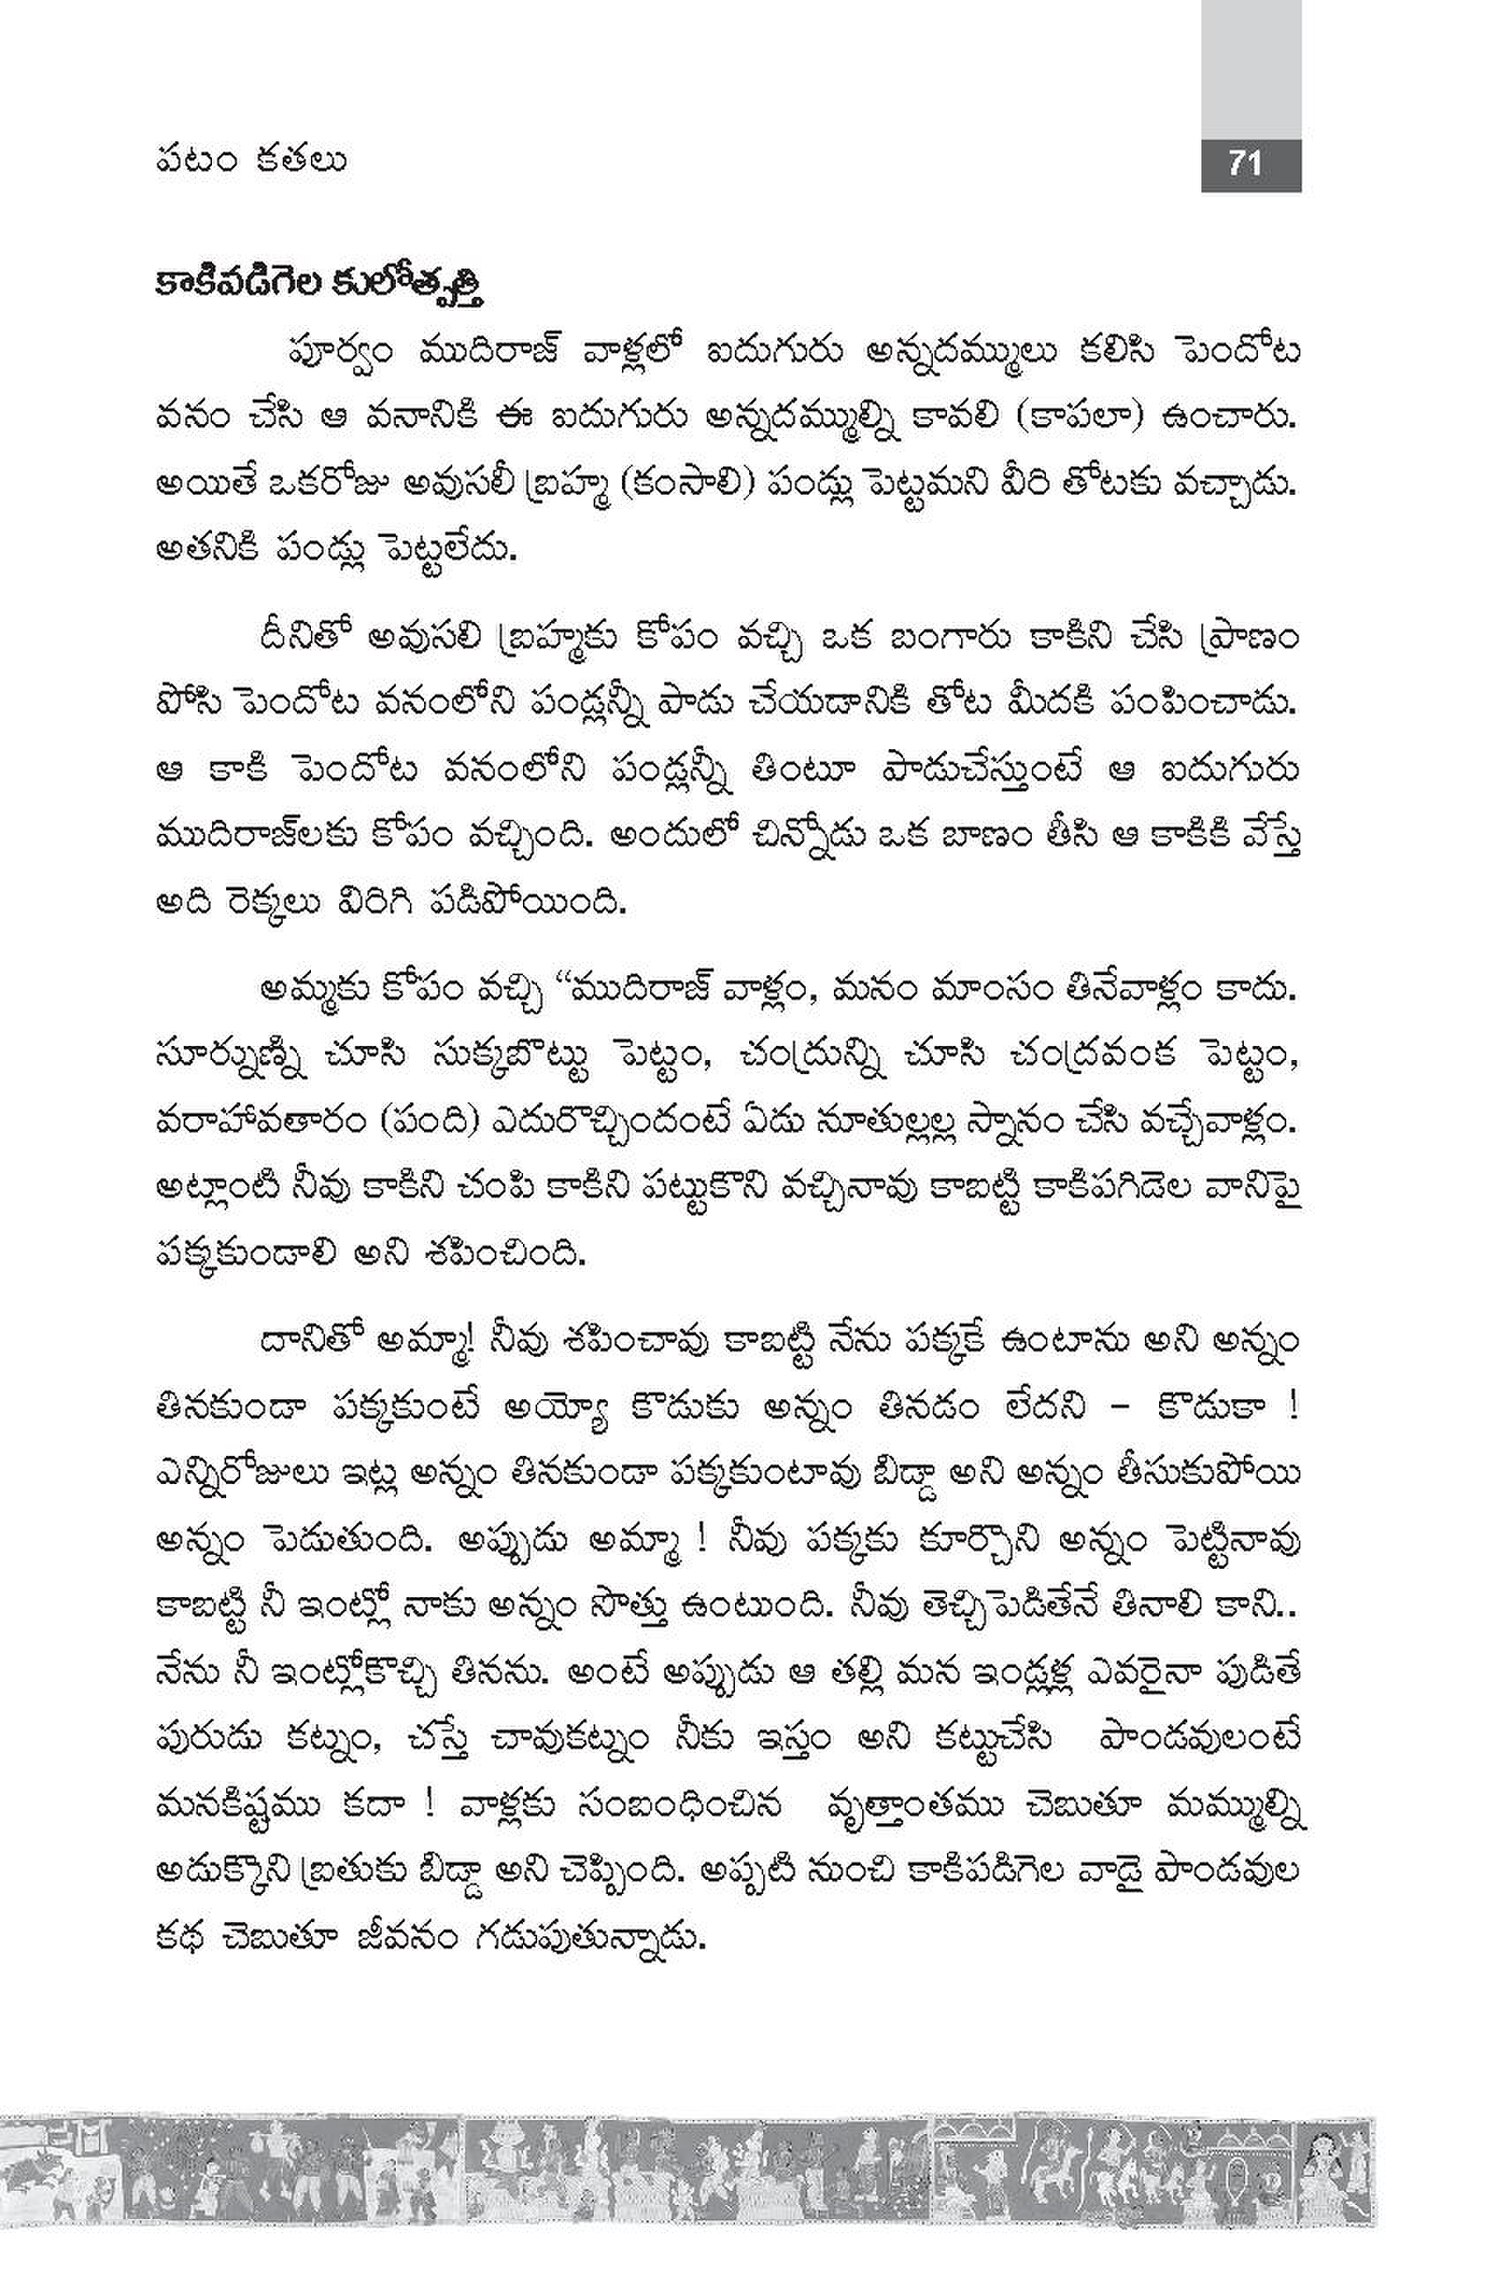కాకివడిగెల కులోత్పత్తి 

పూర్వం ముదిరాజ్ వాళ్లలో ఐదుగురు అన్నదమ్ములు కలిసి పెందోట వనం చేసి ఆ వనానికి ఈ ఐదుగురు అన్నదమ్ముల్ని కావలి (కాపలా) ఉంచారు. అయితే ఒకరోజు అవుసలీ బ్రహ్మ (కంసాలి) పండ్లు పెట్టమని వీరి తోటకు వచ్చాడు. అతనికి పండ్లు పెట్టలేదు.

దీనితో అవుసలి బ్రహ్మకు కోపం వచ్చి ఒక బంగారు కాకిని చేసి ప్రాణం పోసి పెందోట వనంలోని పండ్లన్నీ పాడు చేయడానికి తోట మీదకి పంపించాడు. ఆ కాకి పెందోట వనంలోని పండ్లన్నీ తింటూ పాడుచేస్తుంటే ఆ ఐదుగురు
ముదిరాజ్లకు కోపం వచ్చింది. అందులో చిన్నోడు ఒక బాణం తీసి ఆ కాకికి వేస్తే అది రెక్కలు విరిగి పడిపోయింది.

అమ్మకు కోపం వచ్చి "ముదిరాజ్ వాళ్లం, మనం మాంసం తినేవాళ్లం కాదు. సూరుణ్ని చూసి సుక్కబొట్టు పెట్టం, చంద్రున్ని చూసి చంద్రవంక పెట్టం, వరాహావతారం (పంది) ఎదురొచ్చిందంటే ఏడు నూతుల్లల్ల స్నానం చేసి వచ్చేవాళ్లం. అట్లాంటి నీవు కాకిని చంపి కాకిని పట్టుకొని వచ్చినావు కాబట్టి కాకిపగిడెల వానిపై పక్కకుండాలి అని శపించింది.

దానితో అమ్మా! నీవు శపించావు కాబట్టి నేను పక్కకే ఉంటాను అని అన్నం తినకుండా పక్కకుంటే అయ్యో కొడుకు అన్నం తినడం లేదని కొడుకా ! ఎన్నిరోజులు ఇట్ల అన్నం తినకుండా పక్కకుంటావు బిడ్డా అని అన్నం తీసుకుపోయి
అన్నం పెడుతుంది. అప్పుడు అమ్మా! నీవు పక్కకు కూర్చొని అన్నం పెట్టినావు కాబట్టి నీ ఇంట్లో నాకు అన్నం సొత్తు ఉంటుంది. నీవు తెచ్చిపెడితేనే తినాలి కాని.. నేను నీ ఇంట్లోకొచ్చి తినను. అంటే అప్పుడు ఆ తల్లి మన ఇండ్లళ్ల ఎవరైనా పుడితే పురుడు కట్నం, చస్తే చావుకట్నం నీకు ఇస్తం అని కట్టుచేసి పాండవులంటే మనకిష్టము కదా ! వాళ్లకు సంబంధించిన వృత్తాంతము చెబుతూ మమ్ముల్ని అడుక్కొని బ్రతుకు బిడ్డా అని చెప్పింది. అప్పటి నుంచి కాకిపడిగెల వాడై పాండవుల కథ చెబుతూ జీవనం గడుపుతున్నాడు.